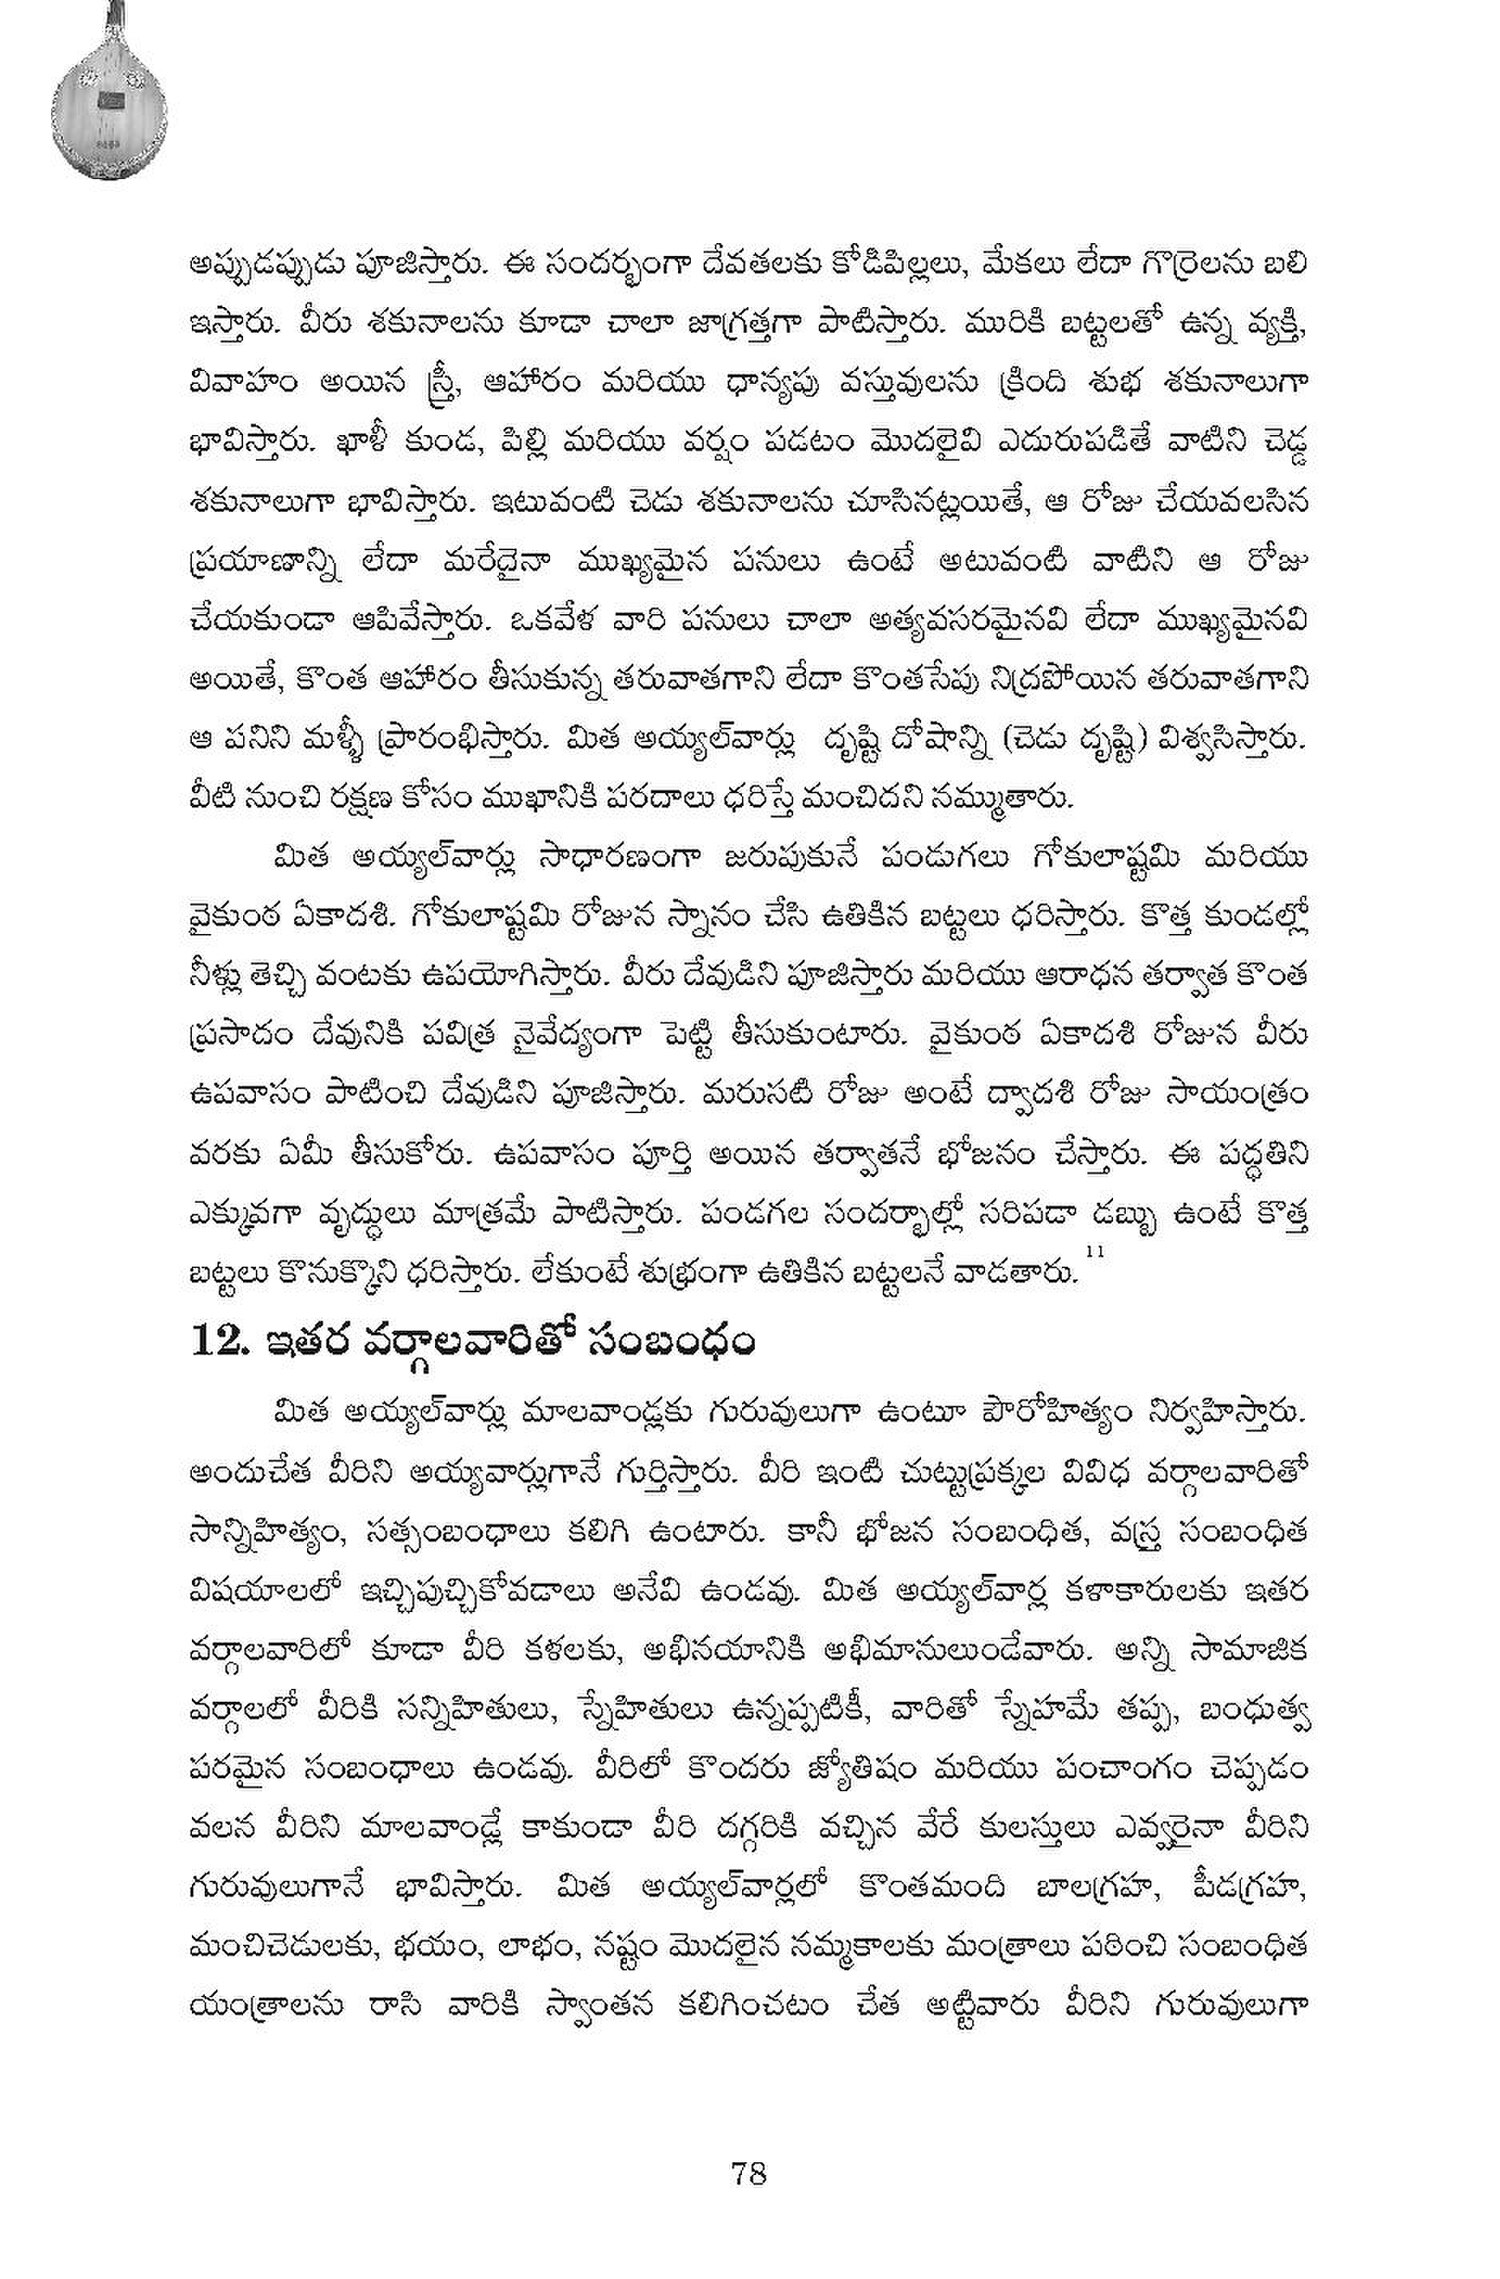అప్పుడప్పుడు పూజిస్తారు. ఈ సందర్భంగా దేవతలకు కోడిపిల్లలు, మేకలు లేదా గొర్రెలను బలి ఇస్తారు. వీరు శకునాలను కూడా చాలా జాగ్రత్తగా పాటిస్తారు. మురికి బట్టలతో ఉన్న వ్యక్తి, వివాహం అయిన స్త్రీ, ఆహారం మరియు ధాన్యపు వస్తువులను క్రింది శుభ శకునాలుగా భావిస్తారు. ఖాళీ కుండ, పిల్లి మరియు వర్షం పడటం మొదలైవి ఎదురుపడితే వాటిని చెడ్డ శకునాలుగా భావిస్తారు. ఇటువంటి చెడు శకునాలను చూసినట్లయితే, ఆ రోజు చేయవలసిన ప్రయాణాన్ని లేదా మరేదైనా ముఖ్యమైన పనులు ఉంటే అటువంటి వాటిని ఆ రోజు చేయకుండా ఆపివేస్తారు. ఒకవేళ వారి పనులు చాలా అత్యవసరమైనవి లేదా ముఖ్యమైనవి అయితే, కొంత ఆహారం తీసుకున్న తరువాతగాని లేదా కొంతసేపు నిద్రపోయిన తరువాతగాని ఆ పనిని మళ్ళీ ప్రారంభిస్తారు. మిత అయ్యల్వార్లు దృష్టి దోషాన్ని (చెడు దృష్టి) విశ్వసిస్తారు. వీటి నుంచి రక్షణ కోసం ముఖానికి పరదాలు ధరిస్తే మంచిదని నమ్ముతారు.

మిత అయ్యల్వార్లు సాధారణంగా జరుపుకునే పండుగలు గోకులాష్టమి మరియు వైకుంఠ ఏకాదశి. గోకులాష్టమి రోజున స్నానం చేసి ఉతికిన బట్టలు ధరిస్తారు. కొత్త కుండల్లో నీళ్లు తెచ్చి వంటకు ఉపయోగిస్తారు. వీరు దేవుడిని పూజిస్తారు మరియు ఆరాధన తర్వాత కొంత ప్రసాదం దేవునికి పవిత్ర నైవేద్యంగా పెట్టి తీసుకుంటారు. వైకుంఠ ఏకాదశి రోజున వీరు
ఉపవాసం పాటించి దేవుడిని పూజిస్తారు. మరుసటి రోజు అంటే ద్వాదశి రోజు సాయంత్రం వరకు ఏమీ తీసుకోరు. ఉపవాసం పూర్తి అయిన తర్వాతనే భోజనం చేస్తారు. ఈ పద్ధతిని ఎక్కువగా వృద్ధులు మాత్రమే పాటిస్తారు. పండగల సందర్భాల్లో సరిపడా డబ్బు ఉంటే కొత్త బట్టలు కొనుక్కొని ధరిస్తారు. లేకుంటే శుభ్రంగా ఉతికిన బట్టలనే వాడతారు.11

12. ఇతర వర్గాలవారితో సంబంధం 

మిత అయ్యల్వార్లు మాలవాండ్లకు గురువులుగా ఉంటూ పౌరోహిత్యం నిర్వహిస్తారు. అందుచేత వీరిని అయ్యవార్లుగానే గుర్తిస్తారు. వీరి ఇంటి చుట్టుప్రక్కల వివిధ వర్గాలవారితో సాన్నిహిత్యం, సత్సంబంధాలు కలిగి ఉంటారు. కానీ భోజన సంబంధిత, వస్త్ర సంబంధిత విషయాలలో ఇచ్చిపుచ్చికోవడాలు అనేవి ఉండవు. మిత అయ్యల్వార్ల కళాకారులకు ఇతర
వర్గాలవారిలో కూడా వీరి కళలకు, అభినయానికి అభిమానులుండేవారు. అన్ని సామాజిక వర్గాలలో వీరికి సన్నిహితులు, స్నేహితులు ఉన్నప్పటికీ, వారితో స్నేహమే తప్ప, బంధుత్వ పరమైన సంబంధాలు ఉండవు. వీరిలో కొందరు జ్యోతిషం మరియు పంచాంగం చెప్పడం వలన వీరిని మాలవాండ్లే కాకుండా వీరి దగ్గరికి వచ్చిన వేరే కులస్తులు ఎవ్వరైనా వీరిని
గురువులుగానే భావిస్తారు. మిత అయ్యల్వార్లలో కొంతమంది బాలగ్రహ, పీడగ్రహ, మంచిచెడులకు, భయం, లాభం, నష్టం మొదలైన నమ్మకాలకు మంత్రాలు పఠించి సంబంధిత యంత్రాలను రాసి వారికి స్వాంతన కలిగించటం చేత అట్టివారు వీరిని గురువులుగా